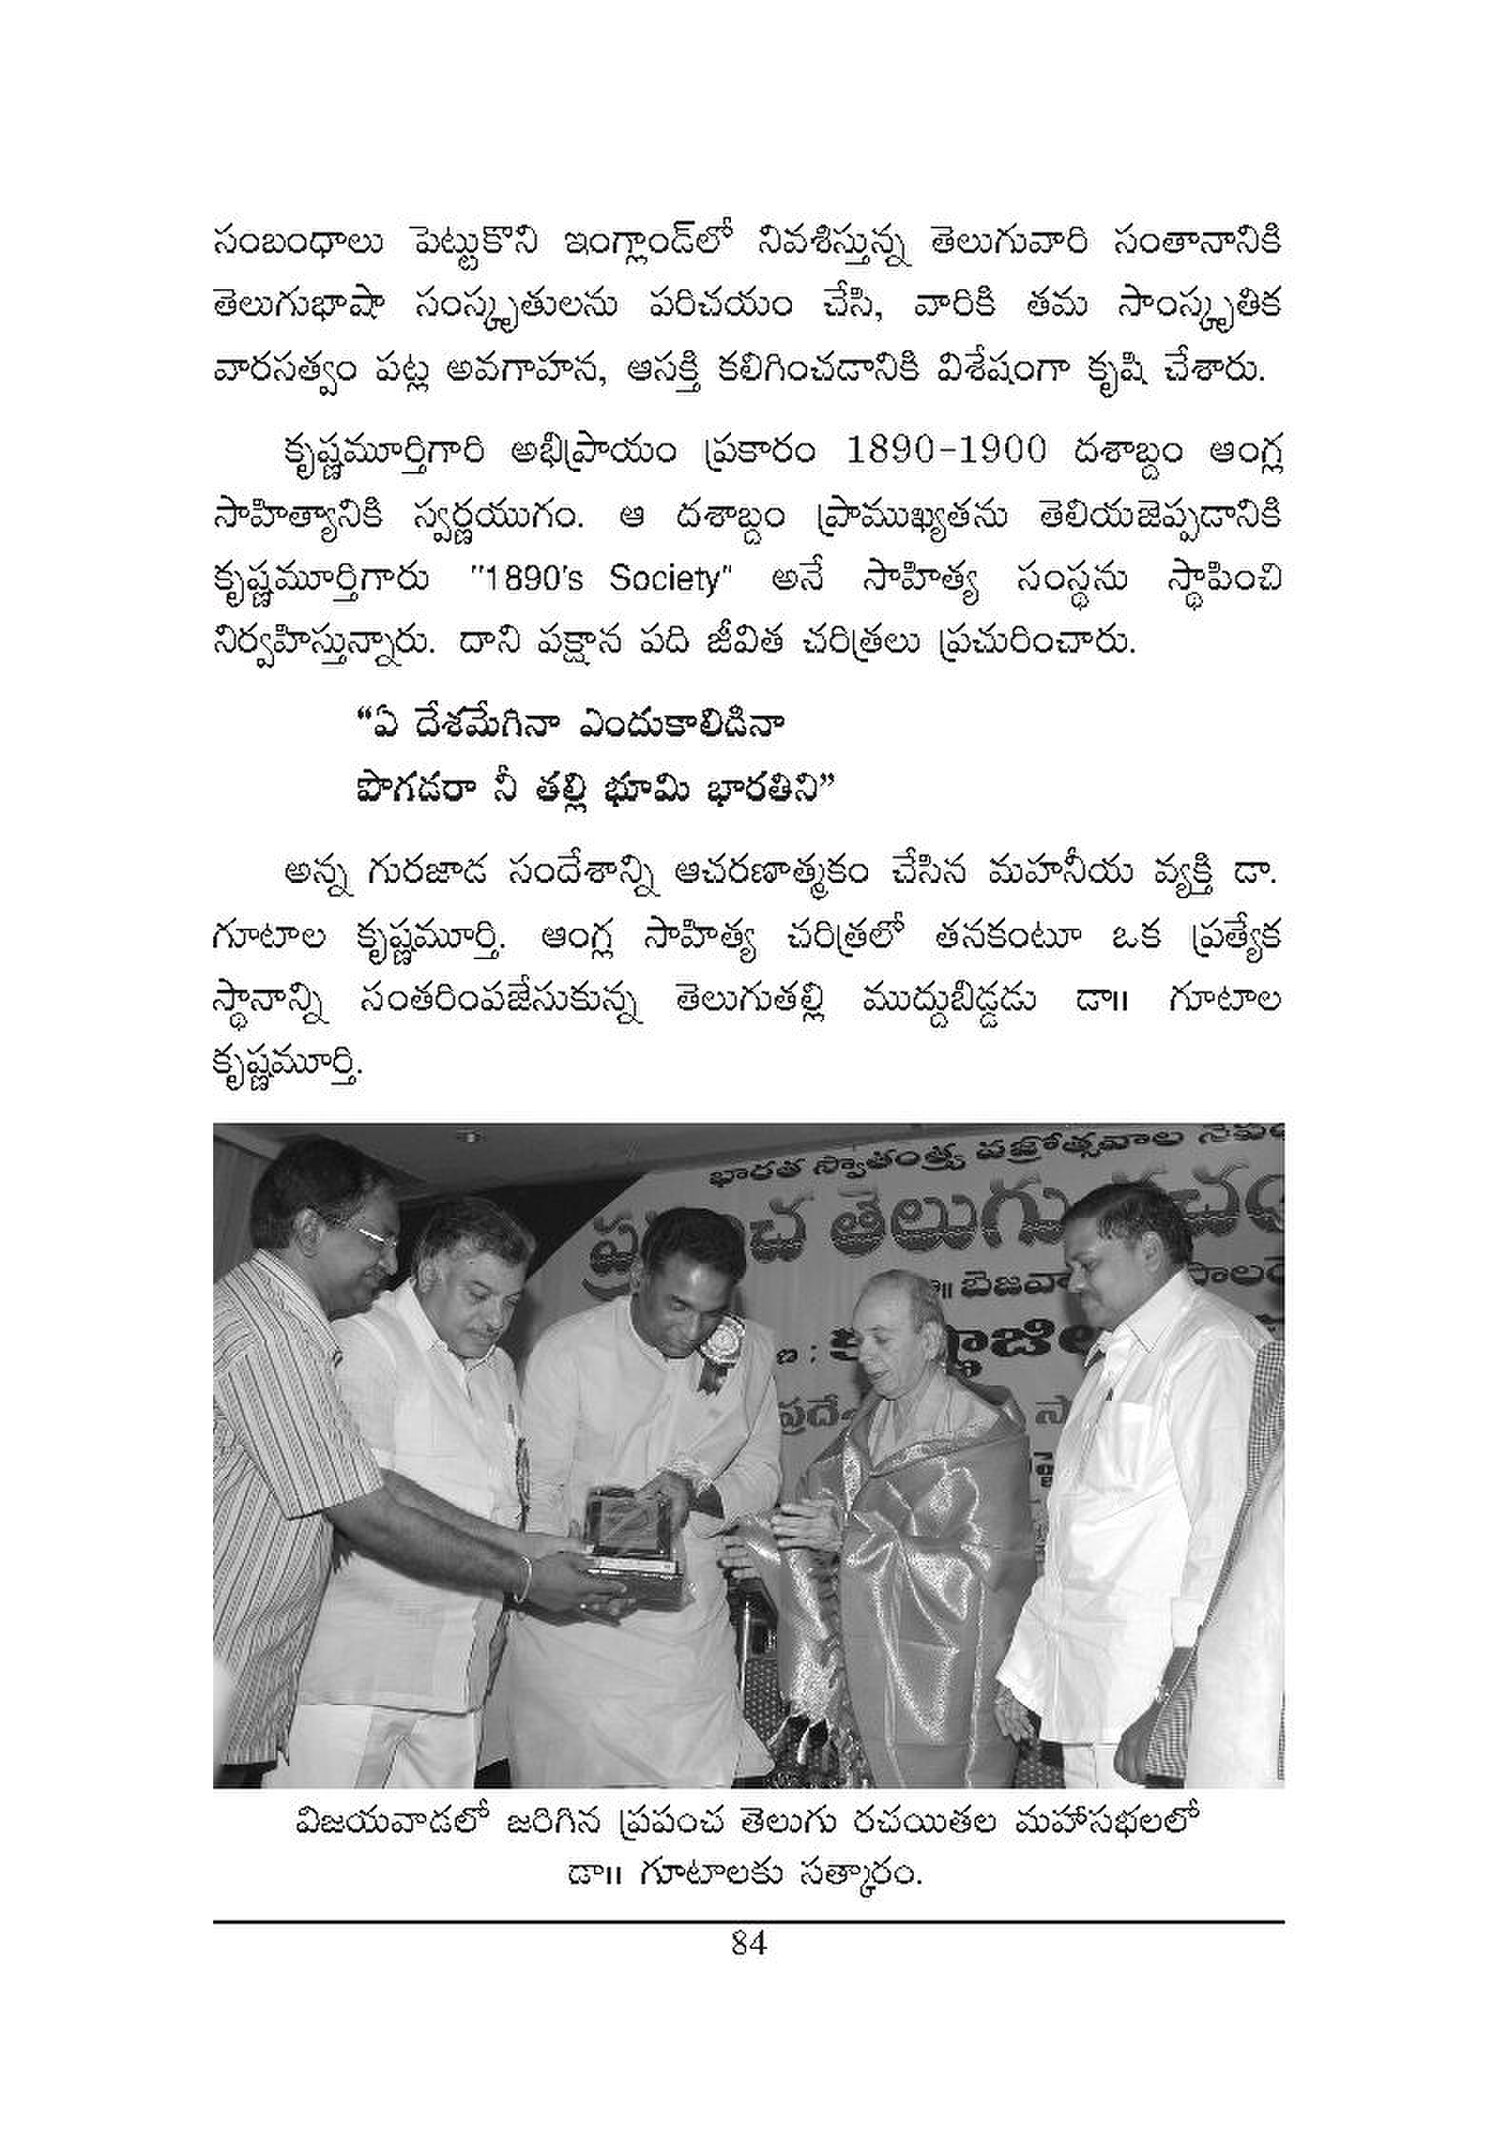సంబంధాలు పెట్టుకొని ఇంగ్లాండ్లో నివశిస్తున్న తెలుగువారి సంతానానికి తెలుగుభాషా సంస్కృతులను పరిచయం చేసి, వారికి తమ సాంస్కృతిక వారసత్వం పట్ల అవగాహన, ఆసక్తి కలిగించడానికి విశేషంగా కృషి చేశారు.
కృష్ణమూర్తిగారి అభిప్రాయం ప్రకారం 1890-1900 దశాబ్దం ఆంగ్ల సాహిత్యానికి స్వర్ణయుగం. ఆ దశాబ్దం ప్రాముఖ్యతను తెలియజెప్పడానికి "1890's Society" అనే సాహిత్య సంస్థను స్థాపించి నిర్వహిస్తున్నారు. దాని పక్షాన పది జీవిత చరిత్రలు ప్రచురించారు.

"ఏ దేశమేగినా ఎందుకాలిడినా

పొగడరా నీ తల్లి భూమి భారతిని" 
అన్న గురజాడ సందేశాన్ని ఆచరణాత్మకం చేసిన మహనీయ వ్యక్తి డా. గూటాల కృష్ణమూర్తి ఆంగ్ల సాహిత్య చరిత్రలో తనకంటూ ఒక ప్రత్యేక స్థానాన్ని సంతరింపజేసుకున్న తెలుగుతల్లి ముద్దుబిడ్డడు డా॥ గూటాల కృష్ణమూర్తి.